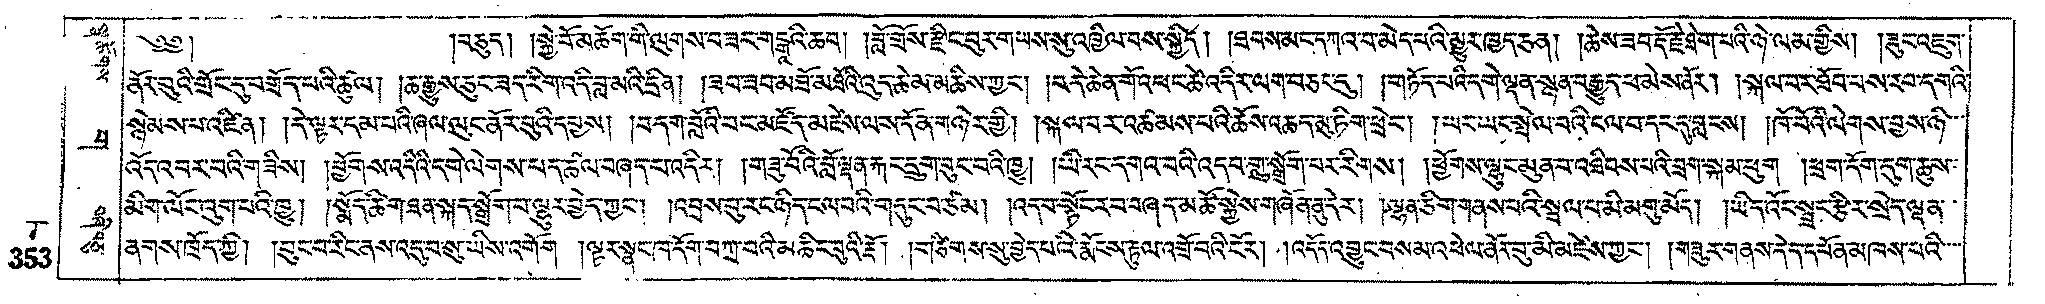༄༅། །བཅུད། །སྐྱེ་བོ་མཆོག་གི་ལུགས་བཟང་གངྒཱའི་ཆབ། །བློ་གྲོས་རྫིང་བུར་གཡས་སུ་འཁྱིལ་བས་སྐྱིད། །ཐབས་མང་དཀའ་བ་མེད་པའི་མྱུར་ཁྱད་ཅན། །ཆེས་ཟབ་རྡོ་རྗེ་ཐེག་པའི་ཉེ་ལམ་གྱིས། །ཟུང་འཇུག་
ནོར་བུའི་གྲོང་དུ་བགྲོད་པའི་ཚུལ། །ཆ་རྒྱུས་ཅུང་ཟད་རིག་འདི་བླ་མའི་དྲིན། །ཟབ་ཟབ་མཐོ་མཐོའི་འུད་ཆེ་མ་མཆིས་ཀྱང་། །བདེ་ཆེན་གོ་འཕང་ཚེ་འདིར་ལག་བཅང་དུ། །གཏོད་པའི་དགེ་ལྡན་སྙན་བརྒྱུད་ཕ་མེས་ནོར། །སྐལ་བར་ཐོབ་པས་རབ་དགའི་
སྙེམས་པ་འཛིན། །དེ་ལྟར་དམ་པའི་ཞལ་ལུང་ནོར་བུའི་དཔྱས། །བདག་བློའི་བང་མཛོད་མཛེས་ལས་དོན་གཉེར་གྱི། །སྐལ་བར་འཚམས་པའི་ཆོས་འཆད་མུ་ཚིག་ཕྲེང་། །ཡང་ཡང་སྤེལ་བའི་ངལ་བ་དང་དུ་བླངས། །ཁོ་བོའི་ལེགས་བྱས་ཉི་་་
འོད་འབར་བའི་གཟིས། །ཕྱོགས་འདིའི་དགེ་ལེགས་པད་ཚལ་བཞད་པ་འདིར། །གཟུ་བོའི་བློ་ལྡན་རྐང་དྲུག་བུང་བའི་ཁྱུ། །ཡི་རང་དགའ་བའི་འདབ་གླུ་སྒྲོག་པར་རིགས། །ཕྱོགས་ལྷུང་མུན་པ་འཐིབས་པའི་བྲག་སྐམ་ཕུག །ཕྲག་དོག་དུག་ཆུས་་་
མིག་ལོང་འུག་པའི་ཁྱུ། །སྨོད་ཚིག་ཐན་སྐད་སྒྲོག་པ་ལྷུར་བྱེད་ཀྱང་། །འབྲས་བུ་རང་ཉིད་ངལ་བའི་གདུང་བ་ཙམ། །འདབ་སྟོང་རབ་བཞད་མཚོ་སྐྱེས་གཞོན་ནུ་དེར། །ལྷན་ཅིག་གནས་པའི་སྦལ་པ་མི་མགུ་མོད། །ཡིད་འོང་སྦྲང་རྩིར་སྲེད་ལྡན་་་
ནགས་ཁྲོད་ཀྱི། །བུང་བ་རིང་ནས་འདུ་བ་སུ་ཡིས་འགོག །ལྟར་སྣང་ཁ་དོག་བཀྲ་བའི་མཆིང་བུའི་རྡོ། །གཙིགས་སུ་བྱེད་པའི་རྨོངས་རྟུལ་འགྲོ་བའི་ངོར། །འདོད་འབྱུང་བསམ་འཕེལ་ནོར་བུ་མི་མཛེས་ཀྱང་། །གཟུར་གནས་དེད་དཔོན་མཁས་པའི་་་